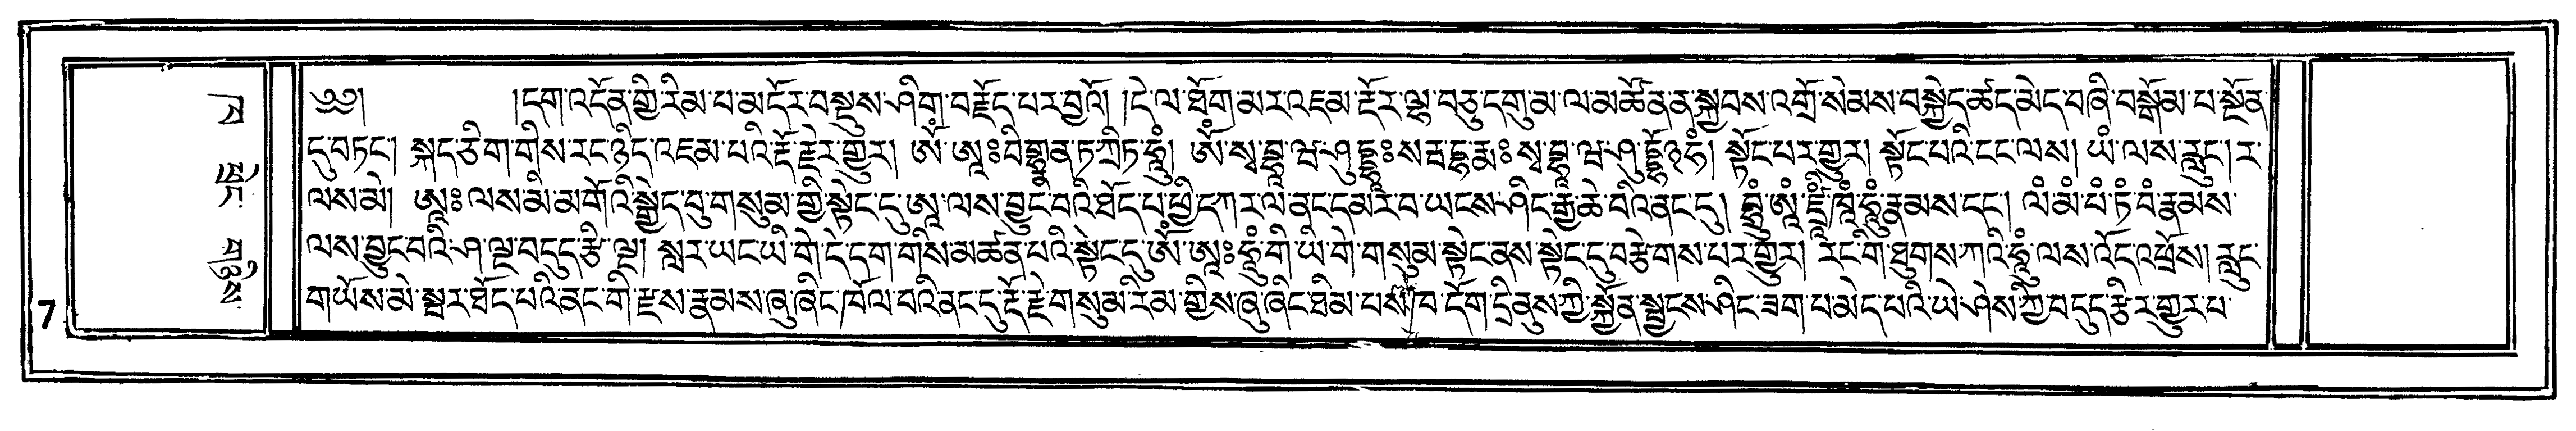༄༅། །དག་འདོན་གྱི་རིམ་པ་མདོར་བསྡུས་ཤིག་བརྗོད་པར་བྱའོ། །དེ་ལ་ཐོག་མར་འཇམ་རྡོར་ལྷ་བཅུ་དགུ་མ་ལ་མཚོན་ན་སྐྱབས་འགྲོ་སེམས་བསྐྱེད་ཚད་མེད་བཞི་བསྒོམ་པ་སྔོན་
དུ་བཏང་། སྐད་ཅིག་གིས་རང་ཉིད་འཇམ་པའི་རྡོ་རྗེར་གྱུར། ཨོཾ་ཨཱཿ བིགྷྣན་ཏ་ཀྲིཏ་ཧཱུཾ། ཨོཾ་སྭ་བྷཱ་ཝ་ཤུདྡྷཱཿ སརྦ་དྷ་རྨཿ སྭ་བྷཱ་ཝ་ཤུ་དྡྷོཉ་ཧཾ། སྟོང་པར་གྱུར། སྟོང་པའི་ངང་ལས། ཡཾ་ལས་རླུང་། ར་
ལས་མེ། ཨཱཿ ལས་མི་མགོའི་སྒྱེད་བུ་གསུམ་གྱི་སྟེང་དུ་ཨཱ་ལས་བྱུང་བའི་ཐོད་པ་ཕྱི་དཀར་ལ་ནང་དམར་བ་ཡངས་ཤིང་རྒྱ་ཆེ་བའི་ནང་དུ། བྷྲུཾ་ཨཱཾ་ཛྲཱིཾ་ཁཱཾ་ཧཱུཾ་རྣམས་དང་། ལཾ་མཾ་པཾ་ཏཾ་བཾ་རྣམས་
ལས་བྱུང་བའི་ཤ་ལྔ་བདུད་རྩི་ལྔ། སླར་ཡང་ཡི་གེ་དེ་དག་གིས་མཚན་པའི་སྟེང་དུ་ཨོཾ་ཨཱཿ ཧཱུཾ་གི་ཡི་གེ་གསུམ་སྟེང་ནས་སྟེང་དུ་བརྩེགས་པར་གྱུར། རང་གི་ཐུགས་ཀའི་ཧཱུཾ་ལས་འོད་འཕྲོས། རླུང་
གཡོས་མེ་སྦར་ཐོད་པའི་ནང་གི་རྫས་རྣམས་ཞུ་ཞིང་ཁོལ་བའི་ནང་དུ་རྡོ་རྗེ་གསུམ་རིམ་གྱིས་ཞུ་ཞིང་ཐིམ་པས་ཁ་དོག་དྲི་ནུས་ཀྱི་སྐྱོན་སྦྱངས་ཤིང་ཟག་པ་མེད་པའི་ཡེ་ཤེས་ཀྱི་བདུད་རྩིར་གྱུར་པ་